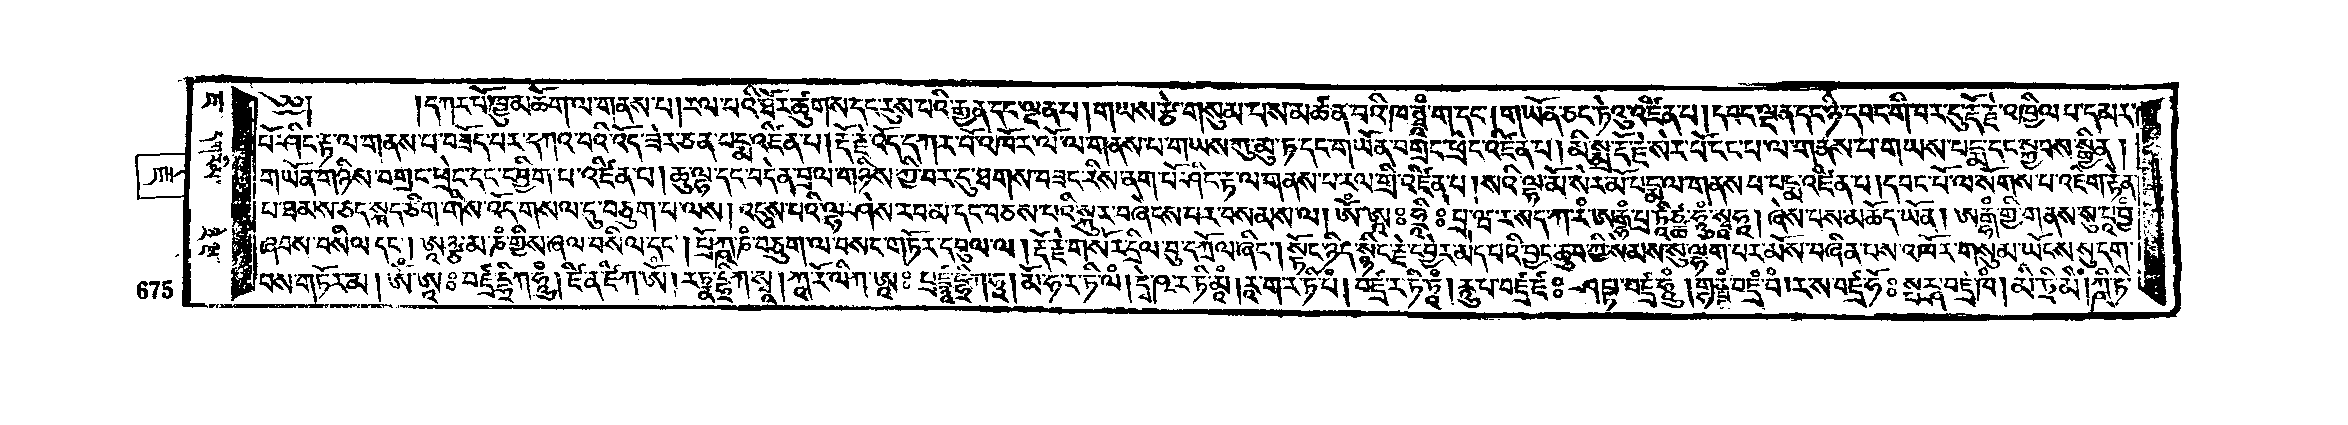༄༅། །དཀར་པོ་ཁྱུ་མཆོག་ལ་གནས་པ། རལ་པའི་ཐོར་ཚུགས་དང་རུས་པའི་རྒྱན་དང་ལྡན་པ། གཡས་རྩེ་གསུམ་པས་མཚན་པའི་ཁ་ཊྭཱཾ་ག་དང་། གཡོན་ཅང་ཏེའུ་འཛིན་པ། དབང་ལྡན་དང་ཉེ་དབང་གི་བར་དུ་རྡོ་རྗེ་འཁྱིལ་པ་དམར་
པོ་ཤིང་རྟ་ལ་གནས་པ་བཟོད་པར་དཀའ་བའི་འོད་ཟེར་ཅན་པདམ་འཛིན་པ། རྡོ་རྗེ་དཀར་པོ་འཁོར་ལོ་ལ་གནས་པ་གཡས་ཀུ་མུ་ཏ་དང་གཡོན་བགྲང་ཕྲེང་འཛིན་པ། མི་སྨྲ་རྡོ་རྗེ་སེར་པ༑ཨོ་དང་པ་ལ་གནས་པ་གཡས་པདམ་དང་སྐྱབས་སྦྱིན།
གཡོན་གཉིས་བགྲང་ཕྲེང་དང་དབྱིག་པ་འཛིན་པ། ཆུ་ལྷ་དང་བདེན་བྲལ་གཉིས་ཀྱི་བར་དུ་ཐགས་བཟང་རིས་ནག་པོ་ཤིང་རྟ་ལ་གནས་པ་རལ་གྲི་འཛིན་པ། སའི་ལྷ་མོ་སེར་མོ་པདམ་ལ་གནས་པ་པདམ་འཛིན་པ། དབང་པོ་ལ་སོགས་པ་འཇིག་རྟེན་
པ་ཐམས་ཅད་སྐད་ཅིག་གིས་འོད་གསལ་དུ་བཅུག་པ་ལས། འདུས་པའི་ལྷ་ཤེས་རབ་མ་དང་བཅས་པའི་སྐུར་བཞེངས་པར་བསམས་པ། ཨོཾ་ཨཱཿ ཧྲཱིཿ པྲ་ཝ་ར་སད་ཀ་རཾ་ཨརྒཾ་པྲ་ཏཱི་ཙྪ་ཧཱུཾ་སྭཱ་ཧཱ། ཞེས་པས་མཆོད་ཡོན། ཨརྒཾ་གྱི་གནས་སུ་པཱདྱཾ་
ཞབས་བསིལ་དང་། ཨཱཉྩ་མ་ཎཾ་གྱིས་ཞལ་བསིལ་དང་། པྲོཀྵ་བཅུག་ལ་བསང་གཏོར་དབུལ་ལ། རྡོ་རྗེ་གསོར་དྲིལ་བུ་དཀྲོལ་ཞིང་། སྟོང་ཉིད་སྙིང་རྗེ་དབྱེར་མེད་པའི་བྱང་ཆུབ་ཀྱི་སེམས་སུ་ལྷག་པར་མོས་བཞིན་པས་འཁོར་གསུམ་ཡོངས་སུ་དག་
པས་གཏོར་མ། ཨོཾ་ཨཱཿ བཛྲ་དྷྲིཀ་ཧཱུཾ། ཛེ་ན་ཛི་ཀ་ཨོཾ། རཏྣ་དྷྲིཀ་སྭཱ། ཀཱ་རོ་ལིཀ་ཨཱཿ པྲྫྙ་དྷྲིཀ་ཧཱ། མོ་ཧ་ར་ཏི་ལཾ་དྭེ་ཥ་ར་ཏི་མཱ། རཱ་ག་ར་ཏི་པཾ། བཛྲ་ར་ཏི་ཏཱཾ། རཱུ་པ་བཛྲ་ཧཱུཾ། གཧྣྡྙཾ་བཛྲ་པཾ། ར་ས་བཛྲ་ཧོཿ སྤརྴ་བཛྲ་ཁཾ། མཻ་ཏྲི་མཻཾ། ཀིཥ་ཏི་